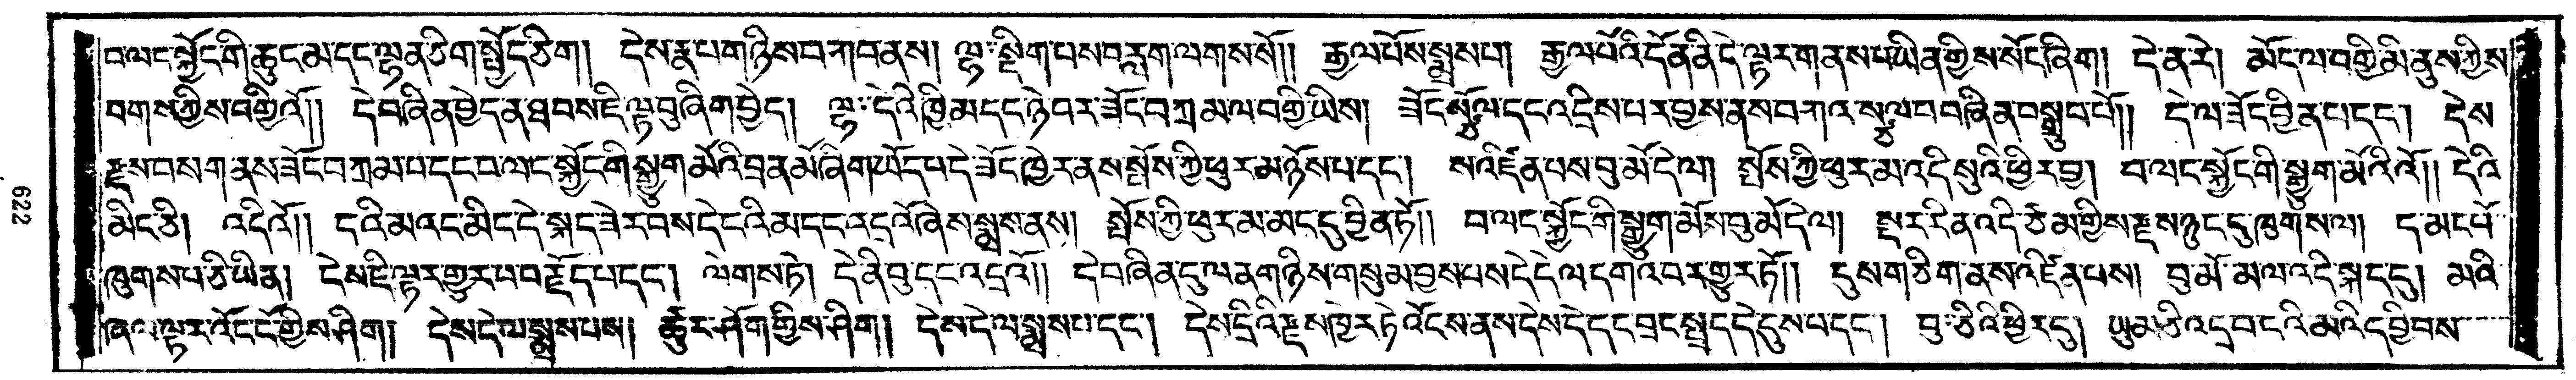བ་ལང་སྐྱོང་གི་ཆུང་མ་དང་ལྷན་ཅིག་སྤྱོད་ཅིག། དེས་རྣ་པ་གཉིས་བཀབ་ནས། ལྷ༑ སྡིག་པས་བརླག་ལགས་སོ།། རྒྱལ་པོས་སྨྲས་པ། རྒྱལ་པོའི་དོན་ནི་དེ་ལྟར་གནས་པ་ཡིན་གྱིས་སོང་ཞིག། དེ་ན་རེ། མོད་ལ་བགྱི་མི་ནུས་ཀྱིས་
བགས་ཀྱིས་བགྱིའོ།། དེ་བཞིན་བྱེད་ན་ཐབས་ཇི་ལྟ་བུ་ཞིག་བྱེད། ལྷ༑ དེའི་ཁྱིམ་དང་ཉེ་བར་ཟོང་བཀྲམ་ལ་བགྱི་ཡིས། ཟོང་སྩོལ་དང་འདྲིས་པར་བྱས་ནས་བཀའ་སྩལ་པ་བཞིན་བསྒྲུབ་པོ།། དེ་ལ་ཟོང་བྱིན་པ་དང་། དེས་
རྫས་བསག་ནས་ཟོང་བཀྲམ་པ་དང་བ་ལང་སྐྱོང་གི་སྒྱུག་མོའི་བྲན་མོ་ཞིག་ཡོད་པ་དེ་ཟོང་ཁྱེར་ནས་སྤོས་ཀྱི་ཕུར་མ་ཉོས་པ་དང་། ས་འཛིན་པས་བུ་མོ་དེ་ལ། སྤོས་ཀྱི་ཕུར་མ་འདི་སུའི་ཕྱིར་བྱ། བ་ལང་སྐྱོང་གི་སྒྱུག་མོའི་འོ།། དེའི་
མིང་ཅི། འདིའོ།། ངའི་མའང་མིང་དེ་སྐད་ཟེར་བས་དེ་ངའི་མ་དང་འདྲའོ་ཞེས་སྨྲས་ནས། སྤོས་ཀྱི་ཕུར་མ་མང་དུ་བྱིན་ཏོ།། བ་ལང་སྐྱོང་གི་སྒྱུག་མོས་བུ་མོ་དེ་ལ། སྔར་རིན་འདི་ཙམ་གྱིས་རྫས་ཉུང་དུ་ཁུགས་ལ། ད་མང་པོ་
ཁུགས་པ་ཅི་ཡིན། དེས་ཇི་ལྟར་གྱུར་པ་བརྗོད་པ་དང་། ལེགས་ཏེ། དེ་ནི་བུ་དང་འདྲའོ།། དེ་བཞིན་དུ་ལན་གཉིས་གསུམ་བྱས་པས་དེ་དེ་ལ་དགའ་བར་གྱུར་ཏོ།། དུས་གཅིག་ནས་འཛིན་པས། བུ་མོ་མ་ལ་འདི་སྐད་དུ། མའི་
ཞལ་ལྟར་འོང་ངོ་གྱིས་ཤིག། དེས་དེ་ལ་སྨྲས་པས། ཚུར་ཤོག་གྱིས་ཤིག། དེས་དེ་ལ་སྨྲས་པ་དང་། དེས་དྲིའི་རྫས་ཁྱེར་ཏེ་འོངས་ནས་དེས་དེ་དང་བྲང་སྤྲད་དེ་དུས་པ་དང་། བུ༑ ཅིའི་ཕྱིར་དུ། ཡུམ་ཅི་འདྲ་བ་ངའི་མའི་དབྱིབས་